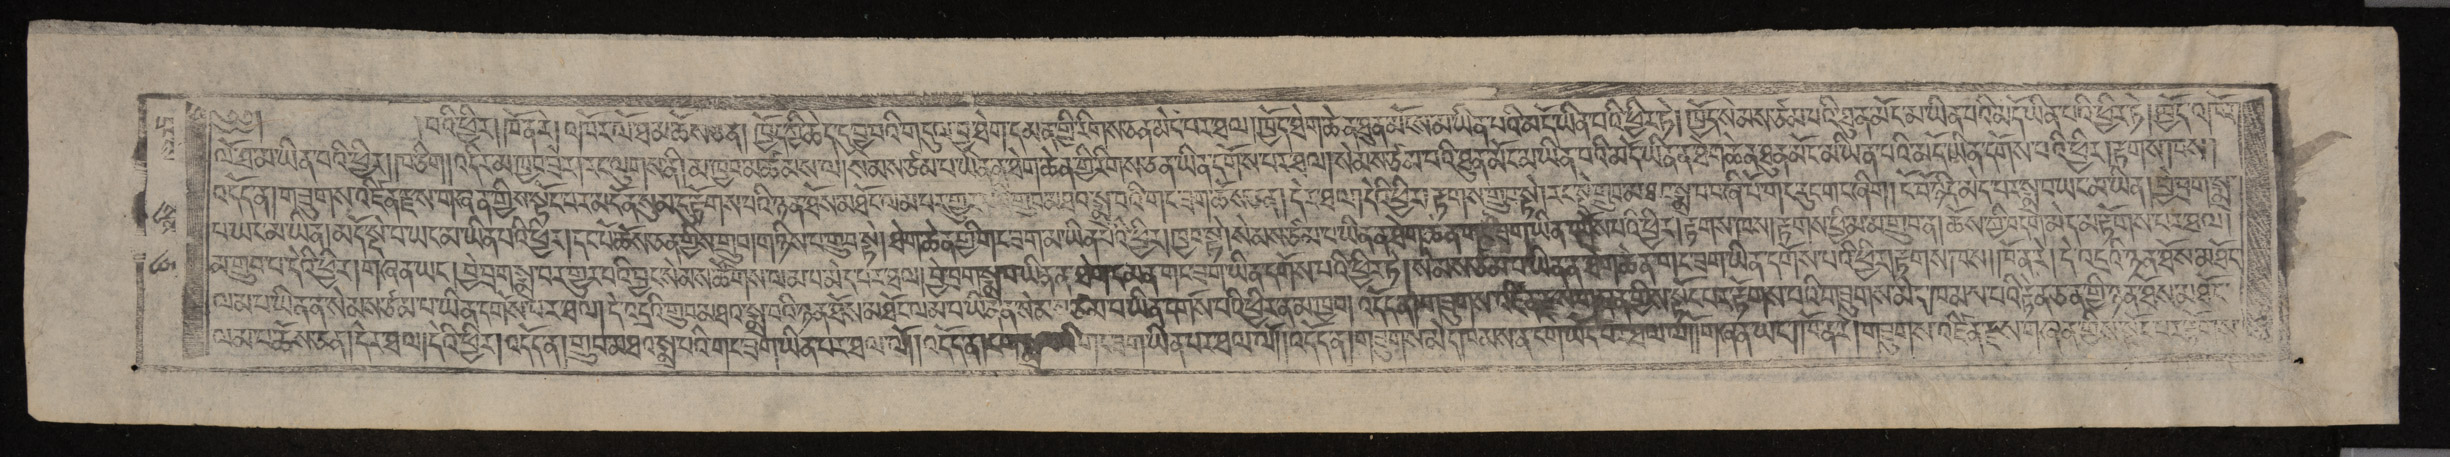༄༅། །བའི་ཕྱིར། ཁོ་ན་རེ། འཁོར་ལོ་ཐ་མ་ཆོས་ཅན། ཁྱོད་ཀྱི་ཆེ་དུ་བྱ་བའི་གདུལ་བྱ་ཐེག་དམན་གྱི་རིགས་ཅན་མེད་པར་ཐལ། ཁྱོད་ཐེག་ཆེན་ཐུན་མོངས་མ་ཡིན་པའི་མདོ་ཡིན་པའི་ཕྱིར་ཏེ། ཁྱོད་སེམས་ཙམ་པའི་ཐུན་མོང་མ་ཡིན་པའི་མདོ་ཡིན་པའི་ཕྱིར་ཏེ། ཁྱོད་འཁོར་
ལོ་ཐ་མ་ཡིན་པའི་ཕྱིར། ཁ་ཅིག །འདིར་མ་ཁྱབ་ཟེར། རང་ལུགས་ནི། མ་ཁྱབ་མཚམས་ལ། སེམས་ཙམ་པ་ཡིན་ན་ཐེག་ཆེན་གྱི་རིགས་ཅན་ཡིན་དགོས་པར་ཐལ། སེམས་ཙམ་པའི་ཐུན་མོང་མ་ཡིན་པའི་མདོ་ཡིན་ན་ཐེག་ཆེན་ཐུན་མོང་མ་ཡིན་པའི་མདོ་ཡིན་དགོས་པའི་ཕྱིར། རྟགས་ཁས།
འདོད་ན། གཟུགས་འཛིན་རྫས་གཞན་གྱིས་སྟོང་བར་མངོན་སུམ་དུ་རྟོགས་བའི་ཉན་ཐོས་མཐོང་ལམ་བར་གྱུར་པའི་གྲུབ་མཐའ་སྨྲ་བའི་གང་ཟག་ཆོས་ཅན། དེར་ཐལ། དེའི་ཕྱིར། རྟགས་གྲུབ་སྟེ། རང་སྡེ་གྲུབ་མཐའ་སྨྲ་བ་བཞི་བོ་གང་རུང་གང་ཞིག། ངོ་བོ་ཉིད་མེད་པར་སྨྲ་བ་ཡང་མ་ཡིན། བྱེ་བྲག་སྨྲ་
བ་ཡང་མ་ཡིན། མདོ་སྡེ་པ་ཡང་མ་ཡིན་པའི་ཕྱིར། དང་པོ་ཆོས་ཅན་གྱིས་གྲུབ། གཉིས་པ་གྲུབ་སྟེ། ཐེག་ཆེན་གྱི་གང་ཟག་མ་ཡིན་པའི་ཕྱིར། ཁྱབ་སྟེ། སེམས་ཙམ་པ་ཡིན་ན་ཐེག་ཆེན་གང་ཟག་ཡིན་དགོས་པའི་ཕྱིར། རྟགས་ཁས། རྟགས་ཕྱི་མ་མ་གྲུབ་ན། ཆོས་ཀྱི་བདག་མེད་མ་རྟོགས་པར་ཐལ།
མ་གྲུབ་པ་དེའི་ཕྱིར། གཞན་ཡང་། བྱེ་བྲག་སྨྲ་བར་གྱུར་པའི་བྱང་སེམས་ཚོགས་ལམ་པ་མེད་པར་ཐལ། བྱེ་བྲག་སྨྲ་བ་ཡིན་ན་ཐེག་དམན་གང་ཟག་ཡིན་དགོས་པའི་ཕྱིར་ཏེ། སེམས་ཙམ་པ་ཡིན་ན་ཐེག་ཆེན་གང་ཟག་ཡིན་དགོས་པའི་ཕྱིར། རྟགས་ཁས། ཁོ་ན་རེ། དེ་འདྲའི་ཉན་ཐོས་མཐོང་
ལམ་པ་ཡིན་ན་སེམས་ཙམ་པ་ཡིན་དགོས་པར་ཐལ། དེ་འདྲའི་གྲུབ་མཐའ་སྨྲ་བའི་ཉན་ཐོས་མཐོང་ལམ་པ་ཡིན་ན་སེམས་ཙམ་པ་ཡིན་དགོས་པའི་ཕྱིར་ན་མ་ཁྱབ། འདོད་ན། གཟུགས་འཛིན་རྫས་གཞན་གྱིས་སྟོང་པར་རྟོགས་པའི་གཟུགས་མེད་ཁམས་པའི་རྟེན་ཅན་གྱི་ཉན་ཐོས་མཐོང་
ལམ་པ་ཆོས་ཅན། དེར་ཐལ། དེའི་ཕྱིར། འདོད་ན། གྲུབ་མཐའ་སྨྲ་བའི་གང་ཟག་ཡིན་པར་ཐལ་ལོ། །འདོད་ན། དག་སྨྲ་བའི་གང་ཟག་ཡིན་པར་ཐལ་ལོ། །འདོད་ན། གཟུགས་མེད་ཁམས་ན་དག་ཡོད་པར་ཐལ་ལོ། །གཞན་ཡང་། ཁོ་ན་རེ། གཟུགས་འཛིན་རྫས་གཞན་གྱིས་སྟོང་པར་རྟོགས་